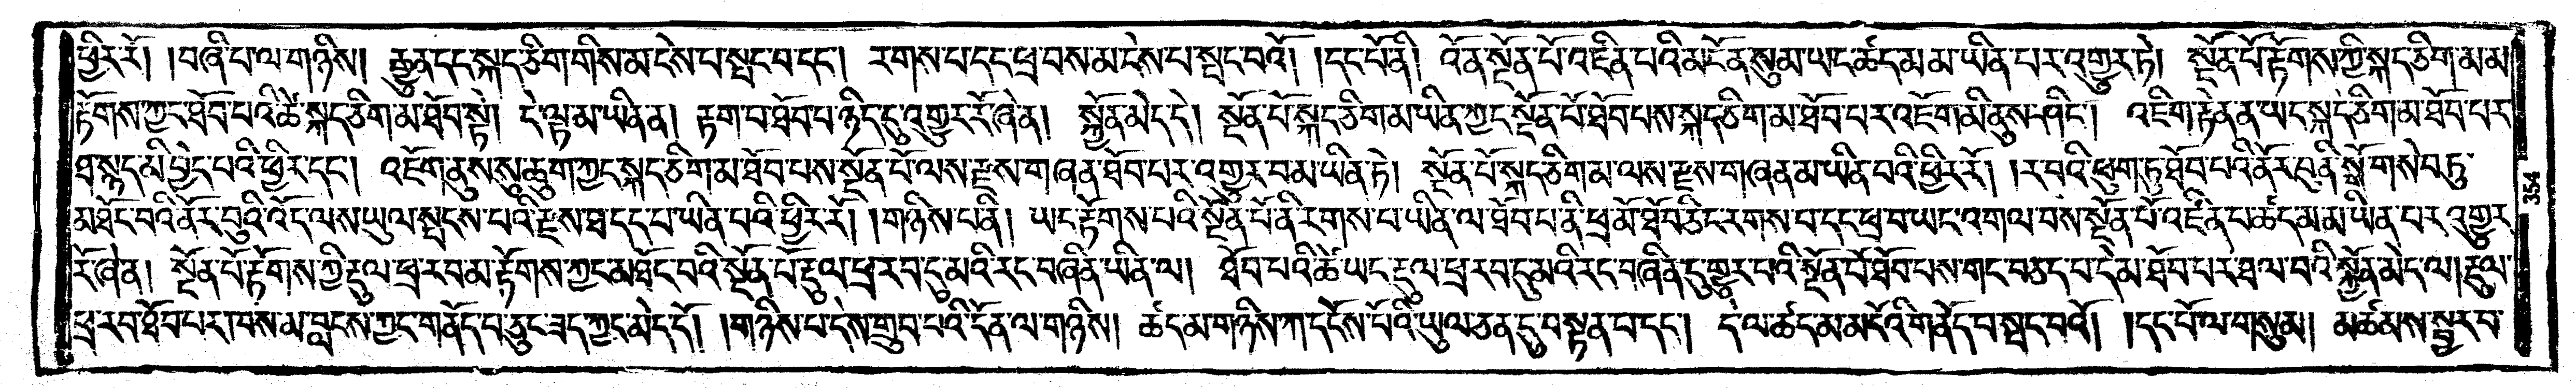ཕྱིར་རོ། །བཞི་པ་ལ་གཉིས། རྒྱུན་དང་སྐད་ཅིག་གིས་མ་ངེས་པ་སྤང་བ་དང་། རགས་པ་དང་ཕྲ་བས་མ་ངེས་པ་སྤང་བའོ། །དང་པོ་ནི། འོ་ན་སྔོན་པོ་འཛིན་པའི་མངོན་སུམ་ཡང་ཚད་མ་མ་ཡིན་པར་འགྱུར་ཏེ། སྔོན་པོ་རྟོགས་ཀྱི་སྐད་ཅིག་མ་མ་
རྟོགས་ཀྱང་ཐོབ་པའི་ཚེ་སྐད་ཅིག་མ་ཐོབ་སྟེ། དེ་ལྟ་མ་ཡིན་ན། རྟག་པ་ཐོབ་པ་ཉིད་དུ་འགྱུར་རོ་ཞེ་ན། སྐྱོན་མེད་དེ། སྔོན་པོ་སྐད་ཅིག་མ་ཡིན་ཀྱང་སྔོན་པོ་ཐོབ་པས་སྐད་ཅིག་མ་ཐོབ་པར་འཇོག་མི་ནུས་ཤིང་། འཇིག་རྟེན་ན་ཡང་སྐད་ཅིག་མ་ཐོབ་པར་
ཐ་སྙད་མི་བྱེད་པའི་ཕྱིར་དང་། འཇོག་ནུས་སུ་ཆུག་ཀྱང་སྐད་ཅིག་མ་ཐོབ་པས་སྔོན་པོ་ལས་རྫས་གཞན་ཐོབ་པར་འགྱུར་བ་མ་ཡིན་ཏེ། སྔོན་པོ་སྐད་ཅིག་མ་ལས་རྫས་གཞན་མ་ཡིན་པའི་ཕྱིར་རོ། །ར་བའི་ཕུག་ཏུ་ཐོབ་པའི་ནོར་བུ་ནི་སྒོ་གསེབ་ཏུ་
མཐོང་བའི་ནོར་བུའི་འོད་ལས་ཡུལ་སྤངས་པའི་རྫས་ཐ་དད་པ་ཡིན་པའི་ཕྱིར་རོ། །གཉིས་པ་ནི། ཡང་རྟོགས་པའི་སྔོན་པོ་ནི་རགས་པ་ཡིན་ལ་ཐོབ་པ་ནི་ཕྲ་མོ་ཐོབ་ཅིང་རགས་པ་དང་ཕྲ་བ་ཡང་འགལ་བས་སྔོན་པོ་འཛིན་པ་ཚད་མ་མ་ཡིན་པར་འགྱུར་
རོ་ཞེ་ན། སྔོན་པོ་རྟོགས་ཀྱི་རྡུལ་ཕྲ་རབ་མ་རྟོགས་ཀྱང་མཐོང་བའི་སྔོན་པོ་རྡུལ་ཕྲ་རབ་དུ་མའི་རང་བཞིན་ཡིན་ལ། ཐོབ་པའི་ཚེ་ཡང་རྡུལ་ཕྲ་རབ་དུ་མའི་རང་བཞིན་དུ་གྱུར་པའི་སྔོན་པོ་ཐོབ་པས་གང་བཅད་པ་དེ་མ་ཐོབ་པར་ཐལ་བའི་སྐྱོན་མེད་ལ། རྡུལ་
ཕྲ་རབ་ཐོབ་པར་ཁས་མ་བླངས་ཀྱང་གནོད་པ་ཅུང་ཟད་ཀྱང་མེད་དོ། །གཉིས་པ་དེས་གྲུབ་པའི་དོན་ལ་གཉིས། ཚད་མ་གཉིས་ཀ་དངོས་པོའི་ཡུལ་ཅན་དུ་བསྟན་པ་དང་། དེ་ལ་ཚད་མ་མདོའི་གནོད་པ་སྤང་བའོ། །དང་པོ་ལ་གསུམ། མཚམས་སྦྱར་བ་